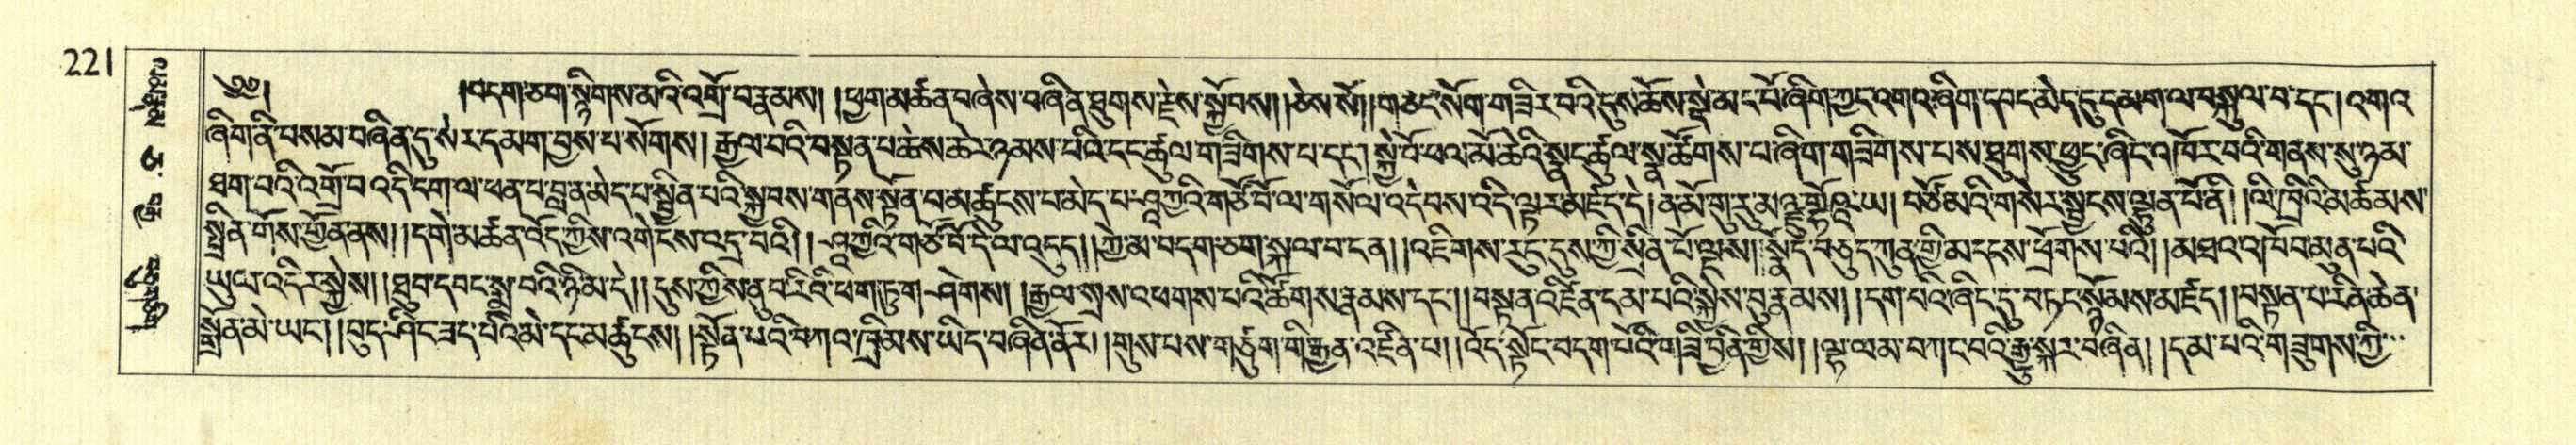༄༅། །བདག་ཅག་སྙིགས་མའི་འགྲོ་བ་རྣམས། །ཕྱག་མཚན་བཞེས་བཞིན་ཐུགས་རྗེས་སྐྱོབས། །ཅེས་སོ། །གཙང་སོག་གཟིར་བའི་དུས་ཆོས་སྡེ་མང་པོ་ཞིག་ཀྱང་འགའ་ཞིག་དབང་མེད་དུ་དམག་ལ་བསྐུལ་བ་དང་། འགའ་
ཞིག་ནི་བསམ་བཞིན་དུ་སེར་དམག་བྱས་པ་སོགས། རྒྱལ་བའི་བསྟན་པ་ཆེས་ཆེར་ཉམས་པའི་ངང་ཚུལ་གཟིགས་པ་དང་། སྐྱེ་བོ་ཕལ་མོ་ཆེའི་སྣང་ཚུལ་སྣ་ཚོགས་པ་ཞིག་གཟིགས་པས་ཐུགས་ཕྱུང་ཞིང་འཁོར་བའི་གནས་སུ་ཉམ་
ཐག་པའི་འགྲོ་བ་འདི་དག་ལ་ཕན་པ་བླ་ན་མེད་པ་སྦྱིན་པའི་སྐྱབས་གནས་སྟོན་བ་མཚུངས་པ་མེད་པ་ཤཱཀྱའི་གཙོ་བོ་ལ་གསོལ་འདེབས་འདི་ལྟར་མཛད་དེ། ན་མོ་གུ་རུ་མཉྫུ་གྷོཥཱ་ཡ། བཙོ་མའི་གསེར་སྦྱངས་ལྷུན་པོ་ནི། །ལི་ཁྲིའི་མཚམས་
སྤྲིན་གོས་གྱོན་ནས། །དགེ་མཚན་འོད་ཀྱིས་འགེངས་འདྲ་བའི། །ཤཱཀྱའི་གཙོ་བོ་དེ་ལ་འདུད། །ཀྱེ་མ་བདག་ཅག་སྐལ་བ་ངན། །འཇིགས་རུང་དུས་ཀྱི་སྲིན་པོ་ལྔས། །སྣོད་བཅུད་ཀུན་གྱི་མདངས་ཕྲོགས་པའི། །མཐའ་འཁོབ་མུན་པའི་
ཡུལ་འདིར་སྐྱེས། །ཐུབ་དབང་སྨྲ་བའི་ཉི་མ་དེ། །དུས་ཀྱིས་ནུབ་རིའི་ཕག་ཏུ་གཤེགས། །རྒྱལ་སྲས་འཕགས་པའི་ཚོགས་རྣམས་དང་། །བསྟན་འཛིན་དམ་པའི་སྐྱེས་བུ་རྣམས། །དག་པའི་ཞིང་དུ་བཏང་སྙོམས་མཛད། །བསྟན་པ་རིན་ཆེན་
སྒྲོན་མེ་ཡང་། །བུད་ཤིང་ཟད་པའི་མེ་དང་མཚུངས། །སྟོན་པའི་བཀའ་ཁྲིམས་ཡིད་བཞིན་ནོར། །གུས་པས་གཙུག་གི་རྒྱན་འཛིན་པ། །འོད་སྟོང་བདག་པོའི་གཟི་བྱིན་གྱིས། །ལྷ་ལམ་བཀང་པའི་རྒྱུ་སྐར་བཞིན། །དམ་པའི་གཟུགས་ཀྱི་